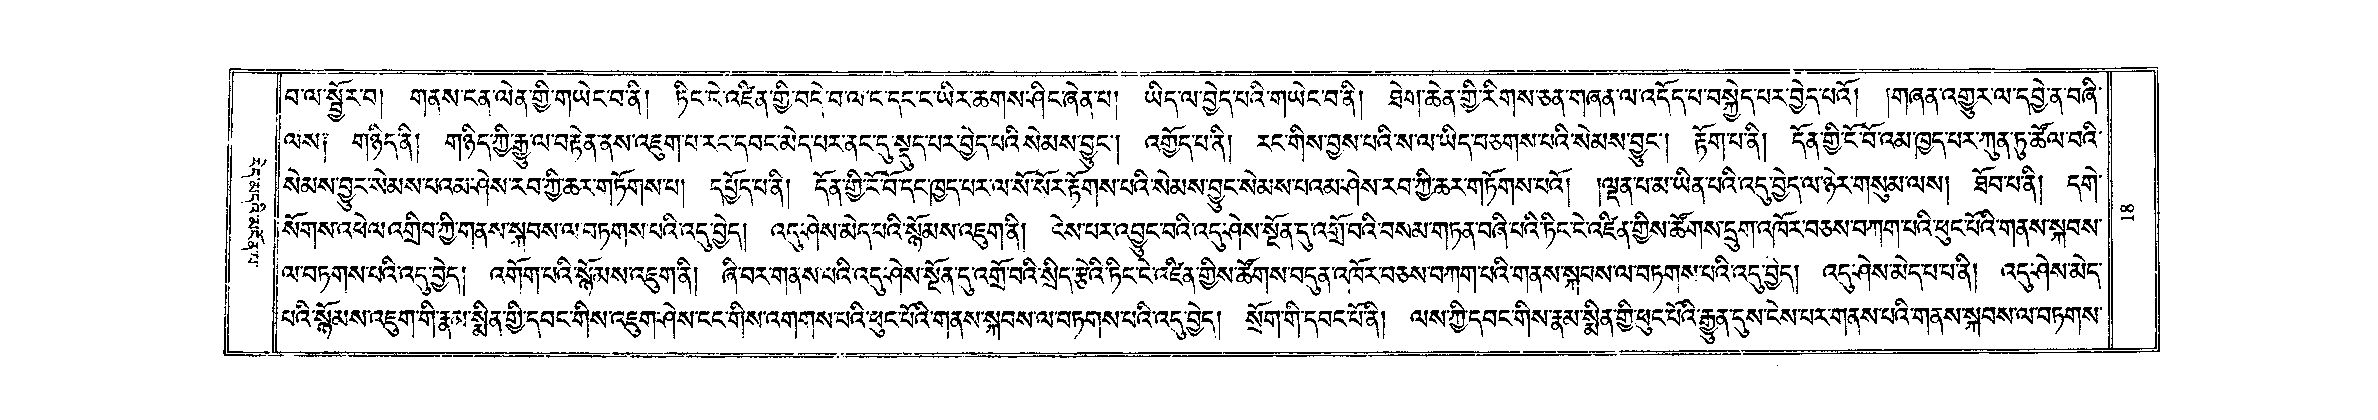བ་ལ་སྦྱོར་བ། གནས་ངན་ལེན་གྱི་གཡེང་བ་ནི། ཏིང་ངེ་འཛིན་གྱི་བདེ་བ་ལ་ང་དང་ང་ཡིར་ཆགས་ཤིང་ཞེན་པ། ཡིད་ལ་བྱེད་པའི་གཡེང་བ་ནི། ཐེག་ཆེན་གྱི་རིགས་ཅན་གཞན་ལ་འདོད་པ་བསྐྱེད་པར་བྱེད་པའོ། །གཞན་འགྱུར་ལ་དབྱེ་ན་བཞི་
ལས༑ གཉིད་ནི། གཉིད་ཀྱི་རྒྱུ་ལ་བརྟེན་ནས་འཇུག་པ་རང་དབང་མེད་པར་ནང་དུ་སྡུད་པར་བྱེད་པའི་སེམས་བྱུང་། འགྱོད་པ་ནི། རང་གིས་བྱས་པའི་ས་ལ་ཡིད་བཅགས་པའི་སེམས་བྱུང་། རྟོག་པ་ནི། དོན་གྱི་ངོ་བོ་འམ་ཁྱད་པར་ཀུན་ཏུ་ཚོལ་བའི་
སེམས་བྱུང་སེམས་པའམ་ཤེས་རབ་ཀྱི་ཆར་གཏོགས་པ། དཔྱོད་པ་ནི། དོན་གྱི་ངོ་བོ་དང་ཁྱད་པར་ལ་སོ་སོར་རྟོགས་པའི་སེམས་བྱུང་སེམས་པའམ་ཤེས་རབ་ཀྱི་ཆར་གཏོགས་པའོ། །ལྡན་པ་མ་ཡིན་པའི་འདུ་བྱེད་ལ་ཉེར་གསུམ་ལས། ཐོབ་པ་ནི། དགེ་
སོགས་འཕེལ་འགྲིབ་ཀྱི་གནས་སྐབས་ལ་བཏགས་པའི་འདུ་བྱེད། འདུ་ཤེས་མེད་པའི་སྙོམས་འཇུག་ནི། ངེས་པར་འབྱུང་བའི་འདུ་ཤེས་སྔོན་དུ་འགྲོ་བའི་བསམ་གཏན་བཞི་པའི་ཏིང་ངེ་འཛིན་གྱིས་ཚོགས་དྲུག་འཁོར་བཅས་བཀག་པའི་ཕུང་པོའི་གནས་སྐབས་
ལ་བཏགས་པའི་འདུ་བྱེད། འགོག་པའི་སྙོམས་འཇུག་ནི། ཞི་བར་གནས་པའི་འདུ་ཤེས་སྔོན་དུ་འགྲོ་བའི་སྲིད་རྩེའི་ཏིང་ངེ་འཛིན་གྱིས་ཚོགས་བདུན་འཁོར་བཅས་བཀག་པའི་གནས་སྐབས་ལ་བཏགས་པའི་འདུ་བྱེད། འདུ་ཤེས་མེད་པ་བ་ནི། འདུ་ཤེས་མེད་
པའི་སྙོམས་འཇུག་གི་རྣམ་སྨིན་གྱི་དབང་གིས་འཇུག་ཤེས་ངང་གིས་འགགས་པའི་ཕུང་པོའི་གནས་སྐབས་ལ་བཏགས་པའི་འདུ་བྱེད། སྲོག་གི་དབང་པོ་ནི། ལས་ཀྱི་དབང་གིས་རྣམ་སྨིན་གྱི་ཕུང་པོའི་རྒྱུན་དུས་ངེས་པར་གནས་པའི་གནས་སྐབས་ལ་བཏགས་